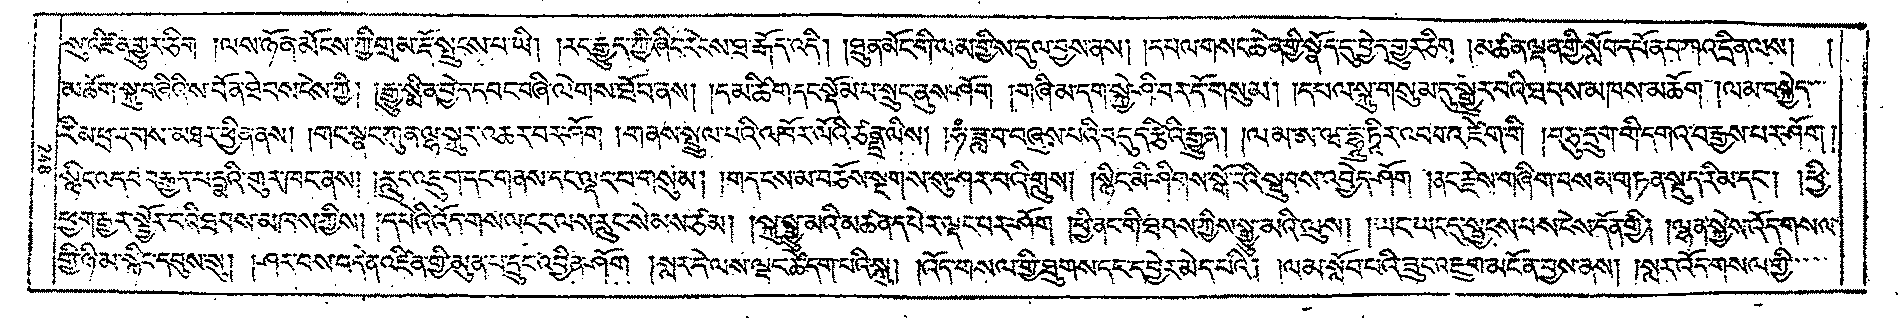སུ་འཛིན་གྱུར་ཅིག །ལས་ཉོན་མོངས་ཀྱི་གྲམ་རྡོ་སྤུངས་པ་ཡི། །རང་རྒྱུད་ཀྱི་ཞིང་རེངས་ཐ་རྒོད་འདི། །ཐུན་མོང་གི་ལམ་གྱིས་དུལ་བྱས་ནས། །དཔལ་གསང་ཆེན་གྱི་སྣོད་དུ་བྱེད་གྱུར་ཅིག །མཚན་ལྡན་གྱི་སློབ་དཔོན་བཀའ་དྲིན་ལས། །
མཆོག་སྐུ་བཞིའི་ས་བོན་ཐེབས་ངེས་ཀྱི། །རྒྱུ་སྨིན་བྱེད་དབང་བཞི་ལེགས་ཐོབ་ནས། །དམ་ཚིག་དང་སྡོམ་པ་སྲུང་ནུས་ཤོག །གཞི་མ་དག་སྐྱེ་ཤི་བར་དོ་གསུམ། །དཔལ་སྐུ་གསུམ་དུ་སྒྱུར་བའི་ཐབས་མཁས་མཆོག །ལམ་བསྐྱེད་
རིམ་ཕྲ་རགས་མཐར་ཕྱིན་ནས། །གང་སྣང་ཀུན་ལྷ་སྐུར་འཆར་བར་ཤོག །གནས་སྤྲུལ་པའི་འཁོར་ལོའི་ཙནྡྲ་ལིས། །ཧཾ་ཟླ་བ་བཞུས་པའི་བདུད་རྩིའི་རྒྱུན། །ལམ་ཨ་ཝ་དྷཱུ་ཏཱིར་འབབ་འཛེག་གི །བཅུ་དྲུག་གི་དགའ་བ་རྒྱས་པར་ཤོག །
སྙིང་འདབ་བརྒྱད་པདམའི་གུར་ཁང་ནས། །རླུང་འཇུག་དང་གནས་དང་ལྡང་བ་གསུམ། །གདངས་མ་བཅོས་སྔགས་སུ་ཤར་བའི་གླུས། །སྙིང་མི་ཤིགས་སྒོ་ངའི་སྦུབས་འབྱེད་ཤོག །ནང་རྗེས་གཞིག་བསམ་གཏན་སྡུད་རིམ་དང་། །ཕྱི་
ཕྱག་རྒྱར་སྦྱོར་བའི་ཐབས་མཁས་ཀྱིས། །དཔེའི་འོད་གསལ་ངང་ལས་རླུང་སེམས་ཙམ། །སྐུ་སྒྱུ་མའི་མཚན་དཔེར་ལྡང་བར་ཤོག །ཕྱི་ནང་གི་ཐབས་ཀྱིས་སྒྱུ་མའི་ལུས། །ཡང་ཡང་དུ་སྦྱངས་པས་ངེས་དོན་གྱི། །ལྷན་སྐྱེས་འོད་གསལ་
གྱི་ཉི་མ་སྙིང་དབུས་སུ། །ཤར་བས་བདེན་འཛིན་གྱི་མུན་པ་དྲུང་འབྱིན་ཤོག །སླར་དེ་ལས་ལྡང་ཚེ་དག་པའི་སྐུ། །འོད་གསལ་གྱི་ཐུགས་དང་དབྱེར་མེད་པའི། །ལམ་སློབ་པའི་ཟུང་འཇུག་མངོན་བྱས་ནས། །སླར་འོད་གསལ་གྱི་